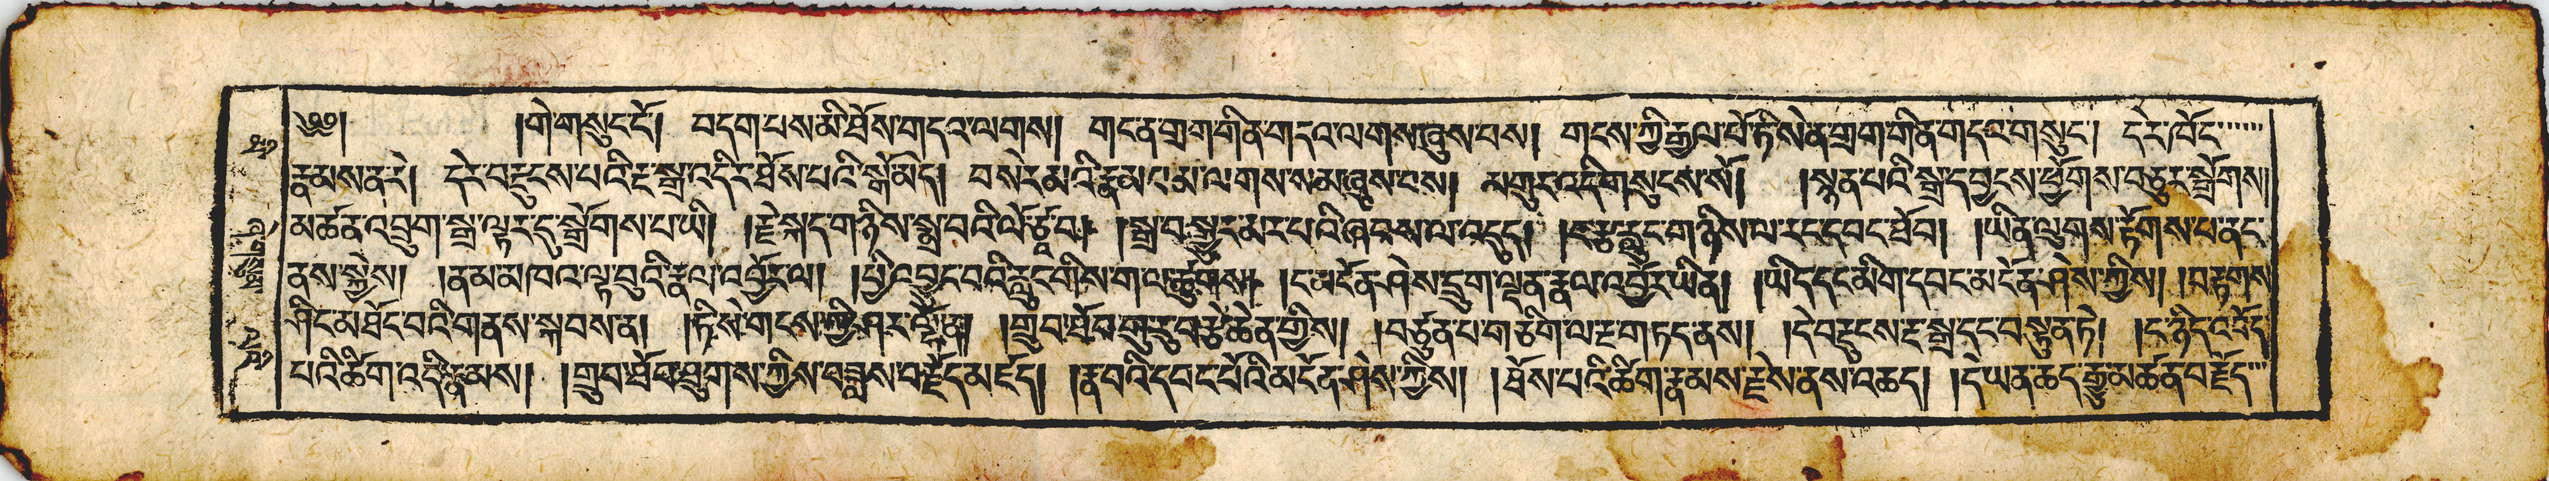གེ་གསུང་ངོ་། བདག་པས་མི་ཐོས་གདའ་ལགས། གང་ན་གྲག་གིན་གདའ་ལགས་ཞུས་པས། གངས་ཀྱི་རྒྱལ་པོ་ཏི་སེ་ན་གྲག་གིན་གདའ་གསུང་། དེར་ཁོང་
རྣམས་ན་རེ། དེར་བརྡུངས་པའི་རྔ་སྒྲ་འདིར་ཐོས་པའི་སྒོ་མེད། བསེར་མའི་རྣམ་པ་མ་ལགས་སམ། ཞུས་པས། མགུར་འདི་གསུངས་སོ། །སྙན་པའི་སྒྲ་དབྱངས་ཕྱོགས་བཅུར་སྒྲོགས། །
མཚན་འབྲུག་སྒྲ་ལྟར་དུ་སྒྲོགས་པ་ཡི། །རྗེ་སྐད་གཉིས་སྨྲ་བའི་ལོ་ཙཱ་བ། །སྒྲ་བསྒྱུར་མར་པའི་ཞབས་ལ་འདུད། །རྩ་རླུང་གཉིས་ལ་རང་དབང་ཐོབ། །ཡིན་ལུགས་རྟོགས་པ་ནང་
ནས་སྐྱེས། །ནམ་མཁའ་ལྟ་བུའི་རྣལ་འབྱོར་ལ། །ཕྱི་འབྱུང་བའི་རླུང་གིས་ག་ལ་ཚུགས། །ང་མངོན་ཤེས་དྲུག་ལྡན་རྣལ་འབྱོར་ཡིན། །ཡིད་དང་མིག་དབང་མངོན་ཤེས་ཀྱིས། །བརྟགས་
ཤིང་མཐོང་བའི་གནས་སྐབས་ན། །ཏི་སེ་གངས་ཀྱི་ཤར་ལྷོ་ན། །གྲུབ་ཐོབ་གུ་རུ་བརྩེ་ཆེན་གྱིས། །བཙུན་པ་གཅིག་ལ་རྔ་གཏད་ནས། །དེ་བརྡུངས་རྔ་སྒྲ་དང་བསྟུན་ཏེ། །ང་ཉིད་འབོད་
པའི་ཚིག་འདི་རྣམས། །གྲུབ་ཐོབ་ཐུགས་ཀྱིས་བཟླས་བརྗོདམཛད། །རྣ་བའི་དབང་པོའི་མངོན་ཤེས་ཀྱིས། །ཐོས་པའི་ཚིག་རྣམས་རྗེས་ནས་འཆད། །དེ་ཡན་ཆད་རྒྱུ་མཚན་བརྗོད་